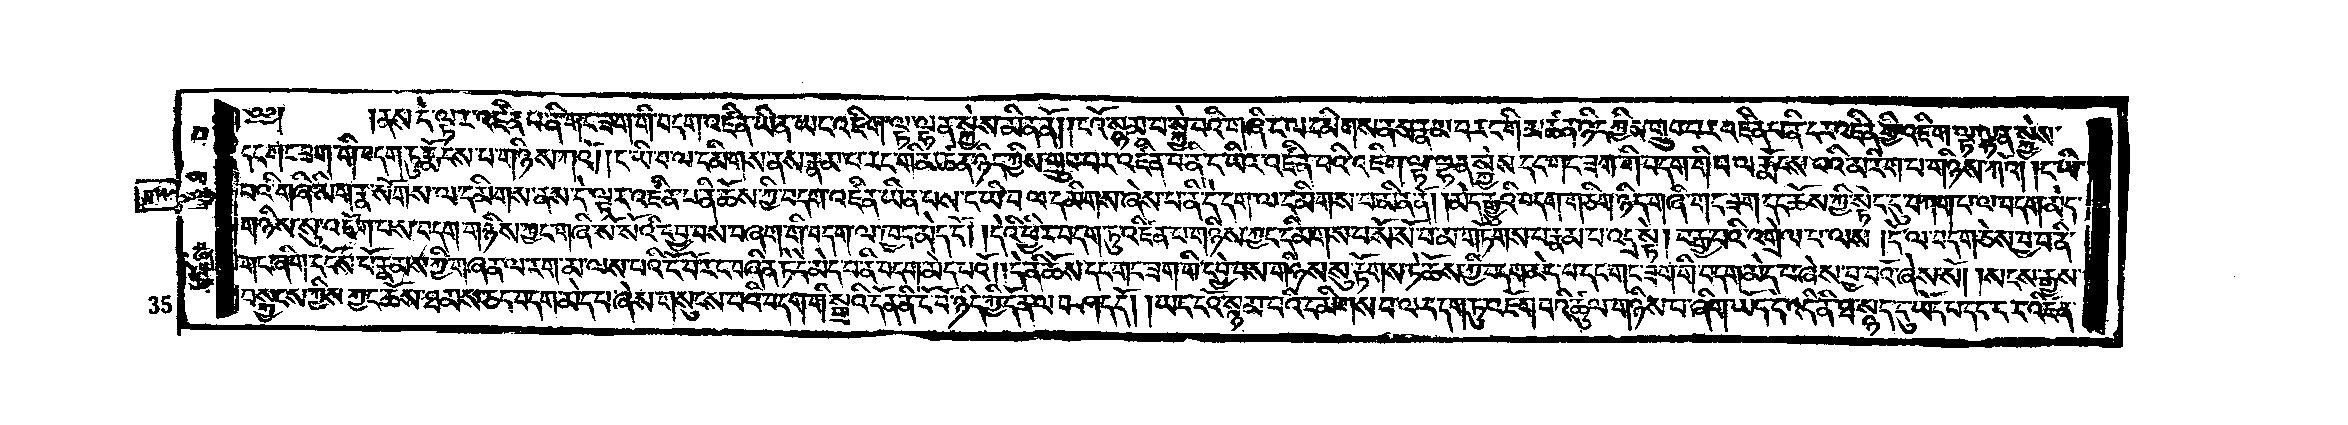༄༅། །ནས་དེ་ལྟར་འཛིན་པ་ནི་གང་ཟག་གི་བདག་འཛིན་ཡིན་ཡང་འཇིག་ལྟ་ལྷན་སྐྱེས་མིན་ནོ། །ངའི་སྙམ་པ་སྐྱེ་བའི་གཞི་ང་ལ་དམིགས་ནས་རྣམ་པ་རང་གི་མཚན་ཉིད་ཀྱིས་གྲུབ་པར་འཛིན་པ་ནི་ངར་འཛིན་གྱི་འཇིག་ལྟ་ལྷན་སྐྱེས་
དང་གང་ཟག་གི་བདག་ཏུ་རྨོངས་པ་གཉིས་ཀའོ། །ང་ཡི་བ་ལ་དམིགས་ནས་རྣམ་པ་རང་གི་མཚན་ཉིད་ཀྱིས་གྲུབ་པར་འཛིན་པ་ནི་ང་ཡིར་འཛིན་པའི་འཇིག་ལྟ་ལྷན་སྐྱེས་དང་གང་ཟག་གི་བདག་གི་བ་ལ་རྨོངས་པའི་མ་རིག་པ་གཉིས་ལའོ། །ང་ཡི་
བའི་གཞི་མིག་རྣ་སོགས་ལ་དམིགས་ནས་དེ་ལྟར་འཛིན་པ་ནི་ཆོས་ཀྱི་བདག་འཛིན་ཡིན་པས་ང་ཡི་བ་ལ་དམིགས་ཞེས་པ་ནི་དེ་དག་ལ་དམིགས་པ་མིན་ནོ། །མེད་རྒྱུའི་བདག་གཅིག་ཉིད་གཞི་གང་ཟག་དང་ཆོས་ཀྱི་སྟེང་དུ་བཀག་པ་ལ་བདག་མེད་
གཉིས་སུ་འཇོག་པས་བདག་གཉིས་ཀྱང་གཞི་སོ་སོའི་དབྱེ་བས་བཞག་གི་བདག་ལ་ཁྱད་མེད་དོ། །དེའི་ཕྱིར་བདག་ཏུ་འཛིན་པ་གཉིས་ཀྱང་དམིགས་པ་སོ་སོ་བ་མ་གཏོགས་པ་རྣམ་པ་འདྲ་སྟེ། བརྒྱ་བའི་འགྲེལ་བ་ལས། དེ་ལ་བདག་ཅེས་བྱ་བ་ནི་
གང་ཞིག་དངོས་པོ་རྣམས་ཀྱི་གཞན་ལ་རག་མ་ལས་པའི་ངོ་བོ་རང་བཞིན་ཏེ་དེ་མེད་པ་ནི་བདག་མེད་པའོ། །དེ་ནི་ཆོས་དང་གང་ཟག་གི་དབྱེ་བས་གཉིས་སུ་རྟོགས་ཏེ་ཆོས་ཀྱི་བདག་མེད་པ་དང་གང་ཟག་གི་བདག་མེད་པ་ཞེས་བྱ་བའོ་ཞེས་སོ། །སངས་རྒྱས་
བསྐྱངས་ཀྱིས་ཀྱང་ཆོས་ཐམས་ཅད་བདག་མེད་པ་ཞེས་གསུངས་པའི་བདག་གི་སྒྲའི་དོན་ནི་ངོ་བོ་ཉིད་ཀྱི་དོན་ལ་བཤད་དོ། །ཡང་ངོའི་སྙམ་པའི་དམིགས་པ་ལ་བདག་ཏུ་འཇོག་པའི་ཚུལ་གཉིས་པ་ཞིག་ཡོད་དེ་འདི་ནི་ཐ་སྙད་དུ་ཡོད་པ་དང་དར་འཛིན་